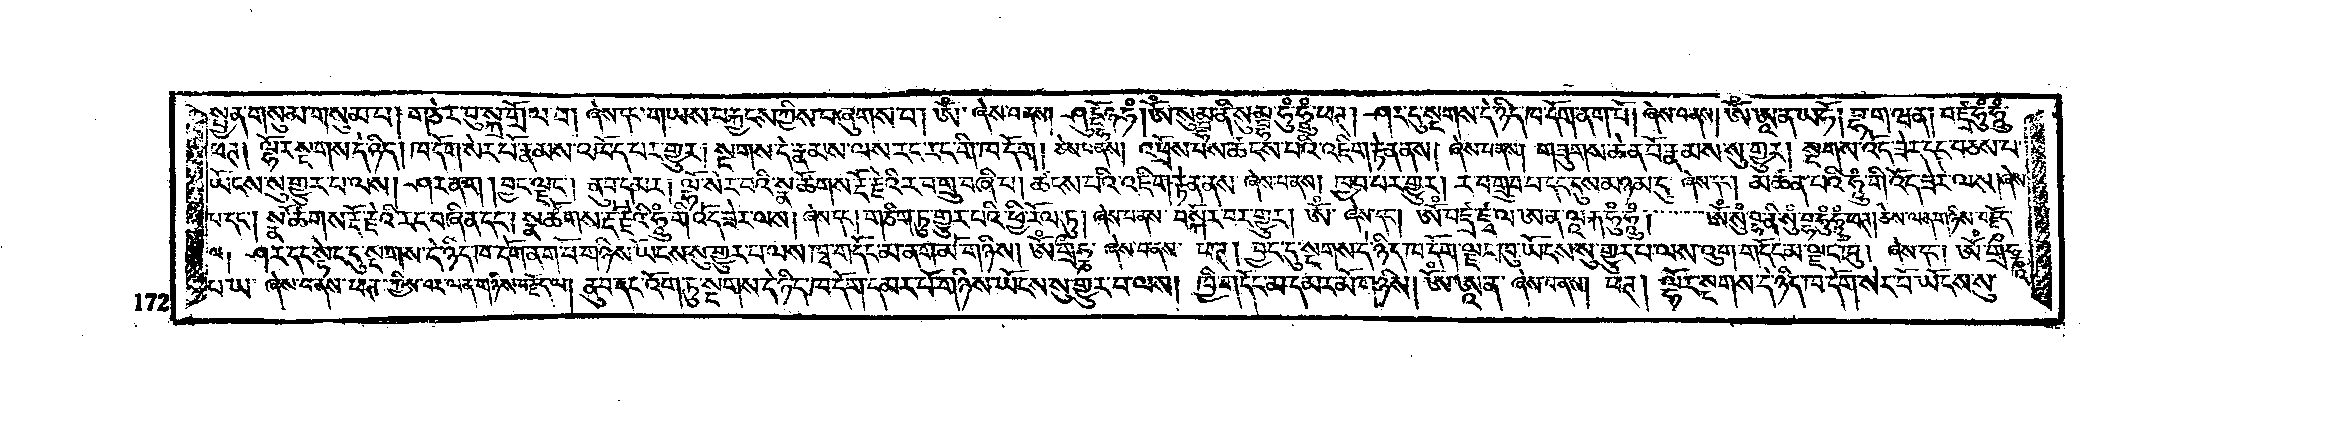སྤྱན་གསུམ་གསུམ་པ། གཅེར་བུ་སྐྲ་གྲོལ་བ། ཞེས་དང་གཡས་བརྐྱངས་ཀྱིས་བཞུགས་པ། ཨོཾ་ཞེས་པ་ནས། ཤུདྡྷོ་ཉཧཾ། ཨོཾ་སུམྦྷ་ནི་སུམྦྷ་ཧུཾ་ཧཱུཾ་ཕཊ། ཤར་དུ་སྔགས་དེ་ཉིད་ཁ་དོག་ནག་པོ། ཞེས་པ་ནས། ཨོཾ་ཨཱ་ན་ཡ་ཧོ། བྷ་ག་ཝན། བཛྲ་ཧུཾ་ཧཱུཾ་
ཕཊ། ལྷོར་སྔགས་དེ་ཉིད། ཁ་དོག་སེར་པོ་རྣམས་འཁོད་པར་གྱུར། སྔགས་དེ་རྣམས་ལས་རང་རང་གི་ཁ་དོག ། ཅེས་པ་ནས།  འཕྲོས་པས་ཚངས་པའི་འཇིག་རྟེན་ནས། ཞེས་པ་ནས།  གཟུགས་ཆེན་པོ་རྣམས་སུ་གྱུར། སྔགས་འོད་ཟེར་དང་བཅས་པ་
ཡོངས་སུ་གྱུར་པ་ལས། ཤར་ནག །བྱང་ལྗང་། ནུབ་དམར། ལྷོ་སེར་བའི་སྣ་ཚོགས་རྡོ་རྗེའི་ར་བ་གྲུ་བཞི་པ། ཚངས་པའི་འཇིག་རྟེན་ནས་ཞེས་པ་ནས། ཁྱབ་པར་གྱུར། ར་བ་གྲུབ་པ་དང་དུས་མཉམ་དུ་ཞེས་དང་།  མཚན་པའི་ཧཱུཾ་གི་འོད་ཟེར་ལས། ཞེས་
པ་དང་། སྣ་ཚོགས་རྡོ་རྗེའི་རང་བཞིན་དང་། སྣ་ཚོགས་རྡོ་རྗེའི་ཧཱུཾ་གི་འོད་ཟེར་ལས། ཞེས་དང་།  གཅིག་ཏུ་གྱུར་པའི་ཕྱི་རོལ་ཏུ། ཞེས་པ་ནས་བསྐོར་བར་གྱུར། ཨོཾ་ཞེས་དང་།  ཨོཾ་བཛྲ་ཛྭ་ལ་ཨ་ན་ལཱ་རྐ་ཧཱུཾ་ཧཱུཾ། ཨོཾ་སུཾ་བྷ་ནི་སུཾ་བྷ་ཧུཾ་ཧཱུཾ་ཕཊ། ཅེས་ལན་གཉིས་བརྗོད་
ལ། ཤར་དང་སྟེང་དུ་སྔགས་དེ་ཉིད་ཁ་དོག་ནག་པོ་གཉིས་ཡོངས་སུ་གྱུར་པ་ལས་ཁྭ་གདོང་མ་ནག་མོ་གཉིས། ཨོཾ་གྲྀཧྞ་ཞེས་པ་ནས་ཕཊ། བྱང་དུ་སྔགས་དེ་ཉིད་ཁ་དོག་ལྗང་ཁུ་ཡོངས་སུ་གྱུར་པ་ལས་འུག་གདོང་མ་ལྗང་ཁུ། ཞེས་དང་།  ཨོཾ་གྲྀཧྞཱ་
པ་ཡ་ཞེས་པ་ནས་ཕཊ་ཀྱིས་བར་ལན་གཉིས་བརྗོད་ལ། ནུབ་དང་འོག་ཏུ་སྔགས་དེ་ཉིད་ཁ་དོག་དམར་པོ་གཉིས་ཡོངས་སུ་གྱུར་པ་ལས། ཁྱི་གདོང་མ་དམར་མོ་གཉིས། ཨོཾ་ཨཱ་ན་ཞེས་པ་ནས།  ཕཊ། ལྷོར་སྔགས་དེ་ཉིད་ཁ་དོག་སེར་པོ་ཡོངས་སུ་